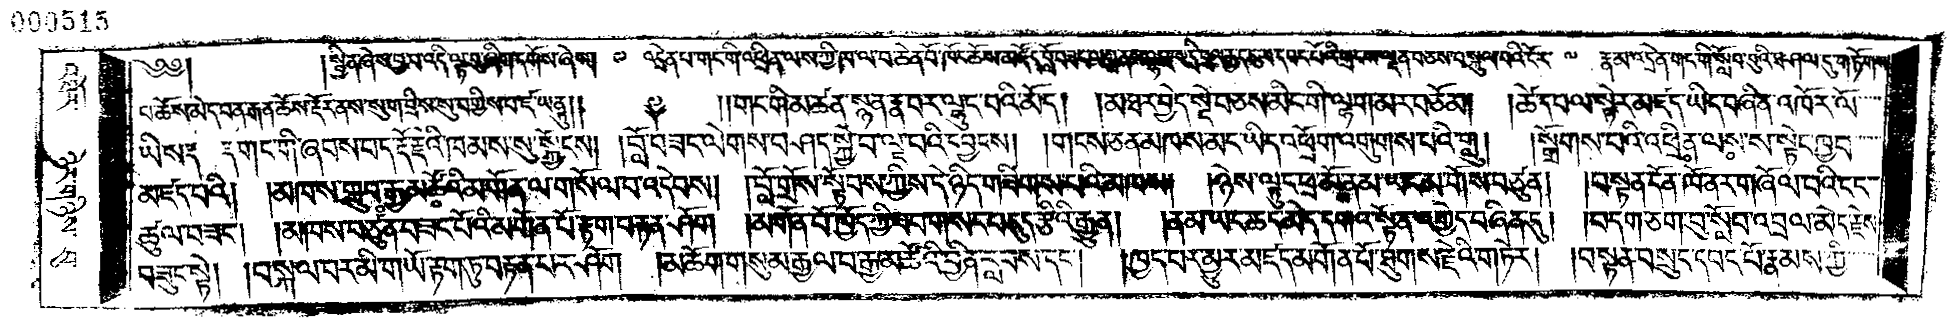༄༅། །སྦྱིན་ཞེས་བྱ་བ་འདི་ལྟ་བུ་ཞིག་དགོས་ཞེས། ༧་འདྲེན་པ་གང་གི་འཕྲིན་ལས་ཀྱི་ཁ་ལ་བ་ཆེན་པོ་ཁོང་ཆོས་མཛོད་བློ་བཟང་ལགས་ནས་ལྷ་རྫས་དྲི་བྲལ་རྒྱ་དངུལ་དབང་པོའི་གྲངས་ལྡན་བཅས་བསྐུལ་བའི་ངོར་༧་རྣམ་འདྲེན་གང་གི་སློབ་བུའི་ཐ་ཤལ་དུ་གཏོགས་
པ་ཆོས་མེད་བན་རྒན་ཆོས་རྡོར་ནས་སུག་བྲིས་སུ་བགྱིས་པ་ཛ་ཡནྟུ།། ༈ །།གང་གི་མཚན་སྙན་རྣ་བར་ལྷུང་བའི་མོད། །མཐར་བྱེད་སྡེ་བཅས་མིང་གི་ལྷག་མར་བཅོམ། །ཚེ་དཔལ་སྟེར་མཛད་ཡིད་བཞིན་འཁོར་ལོ་
ཡིས༑ ༑གང་གི་ཞབས་པད་རྡོ་རྗེའི་ཁམས་སུ་སྐྱོངས། །བློ་བཟང་ལེགས་བཤད་སྐྱེ་བ་ལྔ་པའི་དབྱངས། །གངས་ཅན་མཁས་མང་ཡིད་འཕྲོག་འགུགས་པའི་གླུ། །སྒྲོགས་པའི་འཕྲིན྾་ལས྾་ས་སྟེང་ཁྱབ་
མཛད་པའི། །མཁས་གྲུབ྾་རྒྱ་མཚོའི྾་མགོན་ལ་གསོལ་བ་འདེབས། །བློ་གྲོས་སྟོབས་ཀྱིས་དེ་ཉིད་གཟིགས་པའི་མཁས། །ཉེས་ལྟུང་ཕྲ་མོས་ནམ་ཡང་མ་གོས་བཙུན། །བསྟན་དོན་ཁོ་ནར་གཞོལ་བའི་ངང་
ཚུལ་བཟང་། །མཁས་བཙུན་བཟང་པོའི་མགོན་པོ་རྟག་བརྟན་ཤོག །མགོན་པོ་ཁྱོད་ཀྱི་ཟབ་གསང་བདུད་རྩིའི་རྒྱུན། །ནམ་ཡང་ཆད་མེད་དགའ་སྟོན་འགྱེད་བཞིན་དུ། །བདག་ཅག་བུ་སློབ་འབྲལ་མེད་རྗེས་
བཟུང་སྟེ། །བསྐལ་བར་མི་གཡོ་རྟག་ཏུ་བརྟན་པར་ཤོག །མཆོག་གསུམ་རྒྱལ་བ་རྒྱ་མཚོའི་བྱིན་རླབས་དང་། །ཁྱད་པར་མྱུར་མཛད་མགོན་པོ་ཐུགས་རྗེའི་གཏེར། །བསྟན་བསྲུང་དབང་པོ་རྣམས་ཀྱི་